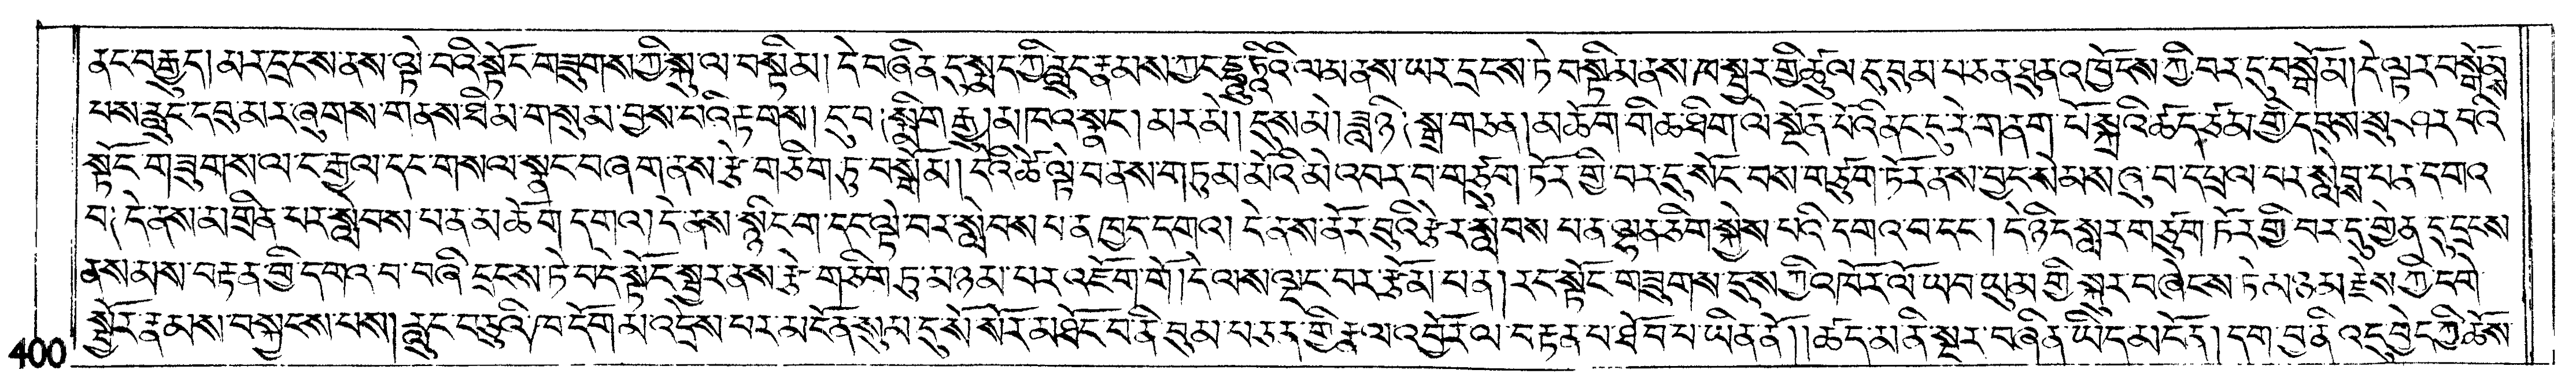ནང་བརྒྱུད། མར་དྲངས་ནས་ལྟེ་བའི་སྟོང་གཟུགས་ཀྱི་སྐུ་ལ་བསྟིམ། དེ་བཞིན་དུ་སྨད་ཀྱི་རླུང་རྣམས་ཀྱང་དྷཱུ་ཏཱིའི་ལམ་ནས་ཡར་དྲངས་ཏེ་བསྟིམ་ནས་ཁ་སྦྱར་གྱི་ཚུལ་དུ་བུམ་པ་ཅན་ཐུན་འཁྱོངས་ཀྱི་བར་དུ་བསྒོམ། དེ་ལྟར་བསྒོམས་
པས་རླུང་དབུ་མར་ཞུགས་གནས་ཐིམ་གསུམ་བྱས་པའི་རྟགས། དུ་བ། སྨིག་རྒྱུ། མཁའ་སྣང་། མར་མེ། དུས་མེ། ཟླ་ཉི། སྒྲ་གཅན། མཆོག་གི་ཆ་ཐིག་ལེ་སྔོན་པོའི་ནང་དུ་རེ་ག་ནག་པོ་སྐྲའི་ཚད་ཙམ་གྱི་དབུས་སུ་ཤར་བའི་
སྟོང་གཟུགས་ལ་ང་རྒྱལ་དང་གསལ་སྣང་བཞག་ནས་རྩེ་གཅིག་ཏུ་བསྒོམ། དེའི་ཚེ་ལྟེ་བ་ནས་གཏུམ་མོའི་མེ་འབར་བ་གཙུག་ཏོར་གྱི་བར་དུ་སོང་བས་གཙུག་ཏོར་ནས་བྱང་སེམས་ཞུ་བ་དཔྲལ་བར་སླེབས་པན་དགའ་
བ། དེ་ནས་མགྲིན་པར་སླེབས་པ་ན་མཆོག་དགའ། དེ་ནས་སྙིང་ག་དང་ལྟེ་བར་སླེབས་པ་ན་ཁྱད་དགའ། དེ་ནས་ནོར་བུའི་རྩེར་སླེབས་པ་ན་ལྷན་ཅིག་སྐྱེས་པའི་དགའ་བ་དང་། དེ་ཉིད་སླར་གཙུག་ཏོར་གྱི་བར་དུ་གྱེན་དུ་དྲངས་
ནས་མས་བརྟན་གྱི་དགའ་བ་བཞི་དྲངས་ཏེ་བདེ་སྟོང་སྦྱར་ནས་རྩེ་གཅིག་ཏུ་མཉམ་པར་འཇོག་གོ །དེ་ལས་ལྡང་བར་རྩོམ་པ་ན། རང་སྟོང་གཟུགས་དུས་ཀྱི་འཁོར་ལོ་ཡབ་ཡུམ་གྱི་སྐུར་བཞེངས་ཏེ་མཉམ་རྗེས་ཀྱི་དགེ་
སྦྱོར་རྣམས་བསྐྱངས་པས། རླུང་བཅུའི་ཁ་དོག་མ་འདྲེས་པར་མངོན་སུམ་དུ་སོ་སོར་མཐོང་བ་ནི་བུམ་པ་ཅན་གྱི་རྣལ་འབྱོར་ལ་བརྟན་པ་ཐོབ་པ་ཡིན་ནོ། །ཚད་མ་ནི་སྔར་བཞིན་ཡིད་མངོན། དག་བྱ་ནི་འདུ་བྱེད་ཀྱི་ཆོས་